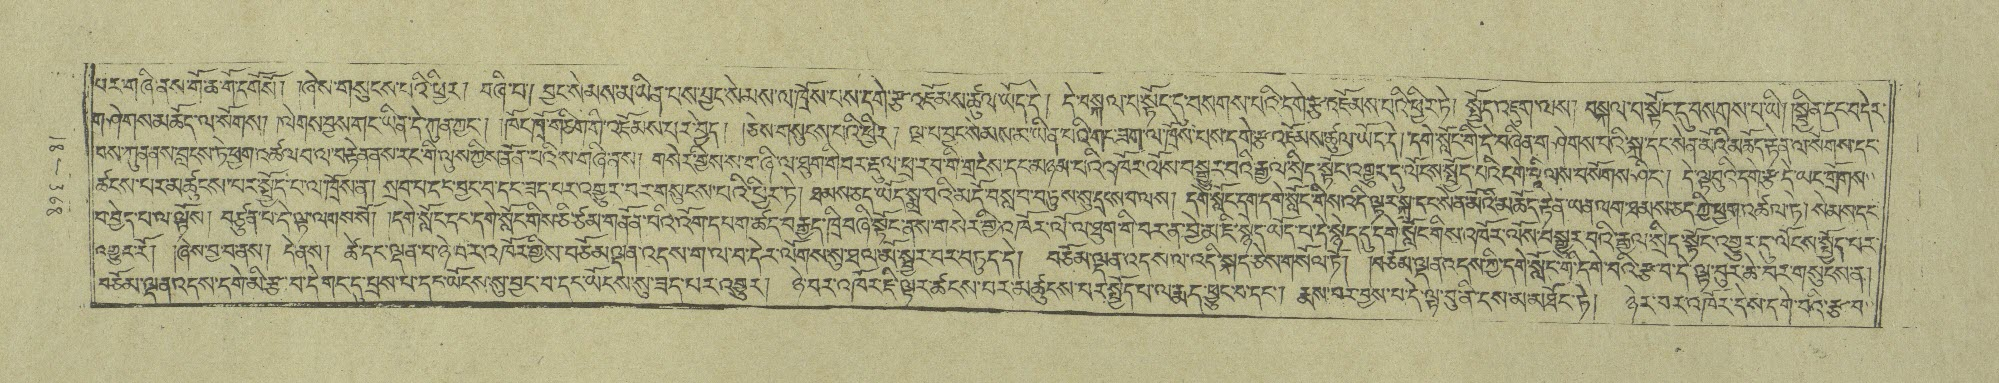ཀྱི་སྐད་ཅིག་ཇི་སྙེད་པ། །དེ་སྙེད་བསྐལ་པར་གཞི་ནས་གོ་ཆ་སོ་དགོས་སོ། །ཞེས་གསུངས་པའི་ཕྱིར། བཞི་པ། བྱང་སེམས་མ་ཡིན་པས་བྱང་སེམས་ལ་ཁྲོས་པས་དགེ་རྩ་འཇོམས་ཚུལ་ཡོད་དེ། དེ་བསྐལ་པ་སྟོང་དུ་བསགས་པའི་དགེ་རྩ་འཇོམས་པའི་ཕྱིར་ཏེ། སྤྱོད་འཇུག་ལས། བསྐལ་པ་
སྟོང་དུ་བསགས་པ་ཡི། །སྦྱིན་དང་བདེར་གཤེགས་མཆོད་ལ་སོགས། །ལེགས་བྱས་གང་ཡིན་དེ་ཀུན་ཀྱང་། །ཁོང་ཁྲོ་གཅིག་གིས་འཇོམས་པར་བྱེད། ཅེས་གསུངས་པའི་ཕྱིར། ལྔ་པ་བྱང་སེམས་མ་ཡིན་པའི་གང་ཟག་གིས་བྱང་སེམས་མ་ཡིན་པའི་གང་ཟག་ལ་ཁྲོས་པས་དགེ་རྩ་འཇོམས་ཚུལ་
ཡོད་དེ། དགེ་སློང་གིས་དེ་བཞིན་གཤེགས་པའི་སྐྲ་དང་སེན་མོའི་མཆོད་རྟེན་ལ་སོགས་དང་པས་ཀུན་ནས་བླངས་ཏེ་ཕྱག་འཚལ་བ་ལ་བརྟེན་ནས་རང་གི་ལུས་གྱིས་ནོན་པའི་ས་གཞི་ནས། གསེར་གྱིས་ས་གཞི་ལ་ཐུག་གི་བར་རྡུལ་ཕྲ་རབ་ཀྱི་གྲངས་དང་མཉམ་པའི་འཁོར་ལོས་བསྒྱུར་བའི་རྒྱལ་སྲིད་སྟོང་འགྱུར་དུ་ལོངས་
སྤྱོད་པའི་དགེ་བའི་ལས་བསོགས་ཤིང་། དེ་ལྟ་བུའི་དགེ་རྩ་དེ་ཡང་གྲོགས་ཚངས་པར་སྤྱོད་པ་ལ་ཁྲོས་ན། སྲབ་པ་དང་བྱང་བ་དང་ཟད་པར་འགྱུར་བར་གསུངས་པའི་ཕྱིར་ཏེ། ཐམས་ཅད་ཡོད་སྨྲ་བའི་མདོ་བསླབ་བཏུས་སུ་དྲངས་པ་ལས། དགེ་སློང་དག་དགེ་སློང་གིས་འདི་ལྟར་སྐྲ་དང་སེན་མོ་
མཆོད་རྟེན་ལ་ཡན་ལག་ཐམས་ཅད་ཀྱི་ཕྱག་འཚལ་ཏེ། སེམས་དང་བ་བྱེད་པ་ལ་ལྟོས། བཙུན་པ་དེ་ལྟ་ལགས་སོ། །དགེ་སློང་དང་དགེ་སློང་འདིས་ཅི་ཙམ་ནོན་པའི་འོག་དཔག་ཚད་བརྒྱད་ཁྲི་བཞི་སྟོང་ནས་གསེར་གྱི་འཁོར་ལོ་ལ་ཐུག་གི་བར་ན་བྱེ་མ་ཇི་སྙེད་ཡོད་པ་དེ་སྙེད་དུ་དགེ་སློང་འདིས་
འཁོར་ལོས་བསྒྱུར་བའི་རྒྱལ་སྲིད་སྟོང་འགྱུར་དུ་ལོངས་སྤྱོད་པར་འགྱུར་རོ། །ཞེས་བྱ་བ་ནས། དེ་ནས། ཚེ་དང་ལྡན་པ་ཉེ་བར་འཁོར་གྱིས་བཅོམ་ལྡན་འདས་ག་ལ་བདེར་ལོགས་སུ་ཐལ་མོ་སྦྱར་བས་བཏུད་དེ། བཅོམ་ལྡན་འདས་ལ་འདི་སྐད་ཅེས་གསོལ་ཏོ། །
བཅོམ་ལྡན་འདས་ཀྱི་དགེ་སློང་གི་དགེ་བའི་རྩ་བ་དེ་ལྟ་བུར་ཆེ་བར་གསུངས་ན། བཅོམ་ལྡན་འདས་དགེ་བའི་རྩ་བ་དེ་གང་དུ་སྲབ་པ་དང་ཡོངས་སུ་བྱང་བ་དང་། ཡོངས་སུ་ཟད་པར་འགྱུར། ཉེ་བར་འཁོར་ཇི་ལྟར་ཚངས་པར་མཚུངས་པར་སྤྱོད་པ་ལ་རྨ་ཕྱུང་བ་དང་། རྨས་པར་བྱས་པ་དེ་ལྟ་